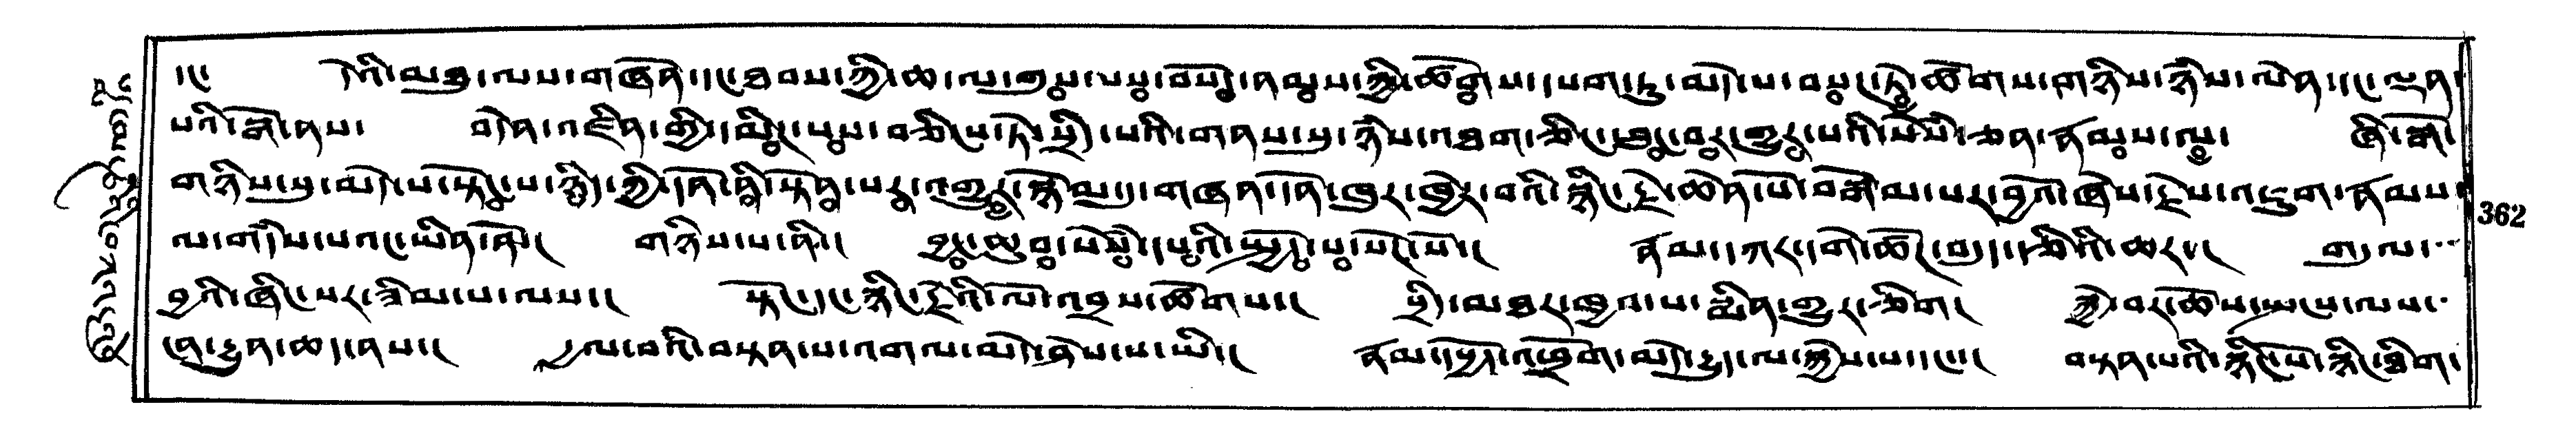དང་། དེའི་མཐུ་ལས་གཞན་དོན་དང་ཐབས་ཀྱི་ཆ་ལ་གུས་པས་བསོད་ནམས་ཀྱི་ཚོགས་དཔག་ཏུ་མཻད་པ་བསགས་ཏེ་ཚོགས་གཉིས་ཉམས་ལེན་དང་ལྡན་
པའི་སྒོ་ནས། བདེན་འཛིན་གྱི་དམིགས་པས་བཅིངས་ཏེ་སྲིད་པའི་གནས་སུ་ཉམས་ཐག་ཅིང་ཕུང་བར་གྱུར་པའི་སེམས་ཅན་རྣམས་ལ། ཞི་སྒོ་
གཉིས་སུ་མེད་པ་སྟོང་པ་ཉིད་ཀྱི་དོན་ནི་སྟོན་པར་འགྱུར་སྙམ་དུ་གཞན་དོན་ཁུར་དུ་ཁྱེར་བའི་སྙིང་རྗེ་ཆེན་པོ་བསྒོམ་པར་བྱའོ་ཞེས་རྗེས་འཇུག་རྣམས་
ལ་གདམས་པའང་ཡིན་ནོ།། གཉིས་པ་ནི། བྱང་ཆུབ་སེམས་དཔའི་སྤྱོད་པ་སོགས་སོ།། །རྣམ་དཀར་དགེ་ཚོགས་བདུད་རྩིའི་ཆར། །གདུལ་
བྱའི་ཞིང་སར་ཟིམ་པ་ལས། །སྟོང་དང་སྙིང་རྗེའི་ལོ་འབྲས་ཚོགས། །སྲིད་མཐར་ཁྱབ་པ་སྨིན་གྱུར་ཅིག །སྐྱེ་བར་ཆོས་སྤངས་ལས་
ངན་རྒྱུན་ཆད་ནས། །རྒྱལ་བའི་བསྟན་པ་འགལ་མེད་ཤེས་པ་ཡི། །རྣམ་དཔྱོད་འཕྲོག་མེད་རྒྱུད་ལ་སྐྱེ་པ་དང་། །བསྟན་པའི་སྙིང་པོ་སྙིང་ཐིག་